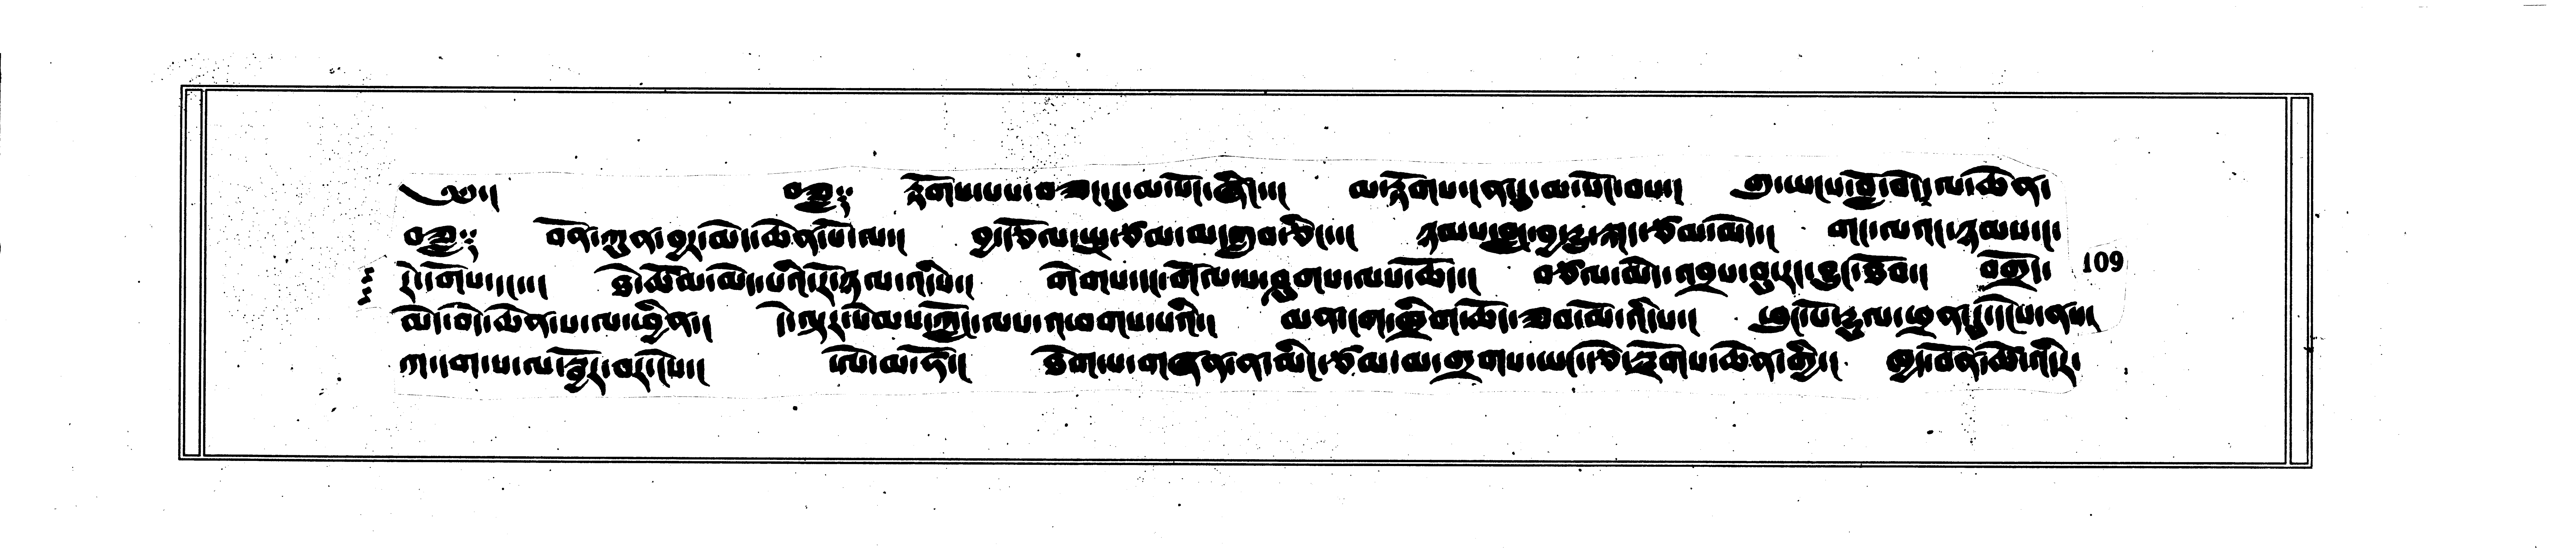བཟླ། །རྟོགས་པས་བཟང་དུ་མ་སོང་ཞིང་། །མ་རྟོགས་ངན་དུ་མ་སོང་བས། །གུ་ཡངས་བློ་བོངས་ལ་ཆེན་
བཟླ། །བོན་ཀུན་བྱར་མེད་ཆེན་པོ་ལ། །བྱ་རྩོལ་སྤུ་ཙམ་མ་གྲུབ་ཅིང་། །ཉམས་བླང་བྱ་རྒྱུ་སྐད་ཙམ་མེད། །གང་ལའང་ཉམས་ང་
རེ་དྭོགས་དང་། །ཐེ་ཚོམ་མེད་པའི་རོ་ཉལ་འདིས། །གེགས་དང་གོལ་ས་ཤུགས་ལས་ཆོད། །བཙལ་མེད་འབྲས་བུ་རང་བྱུང་ཐོབ། །བགྲོད་
མེད་བདེ་ཆེན་ས་ལ་ཕྱིན། །དེ་ལྟར་སེམས་ཀློང་ལས་འཕགས་པའི། །མན་ངག་ཁྲེག་ཆོད་ཟབ་མོ་འདིས། །ཕུང་པོ་རྡུལ་ཕྲན་དུ་དེངས་ནས། །
ཀ་དག་ས་ལ་སྦྱོར་བར་ངེས། །ཨེ་མ་ཧོ། ཐེག་པ་གཞན་ནས་མིང་ཙམ་མ་གྲགས་ཡང་རྩེ་རྫོགས་ཆེན་གྱི། །ཁྱད་བོན་ཚེ་འདིར་